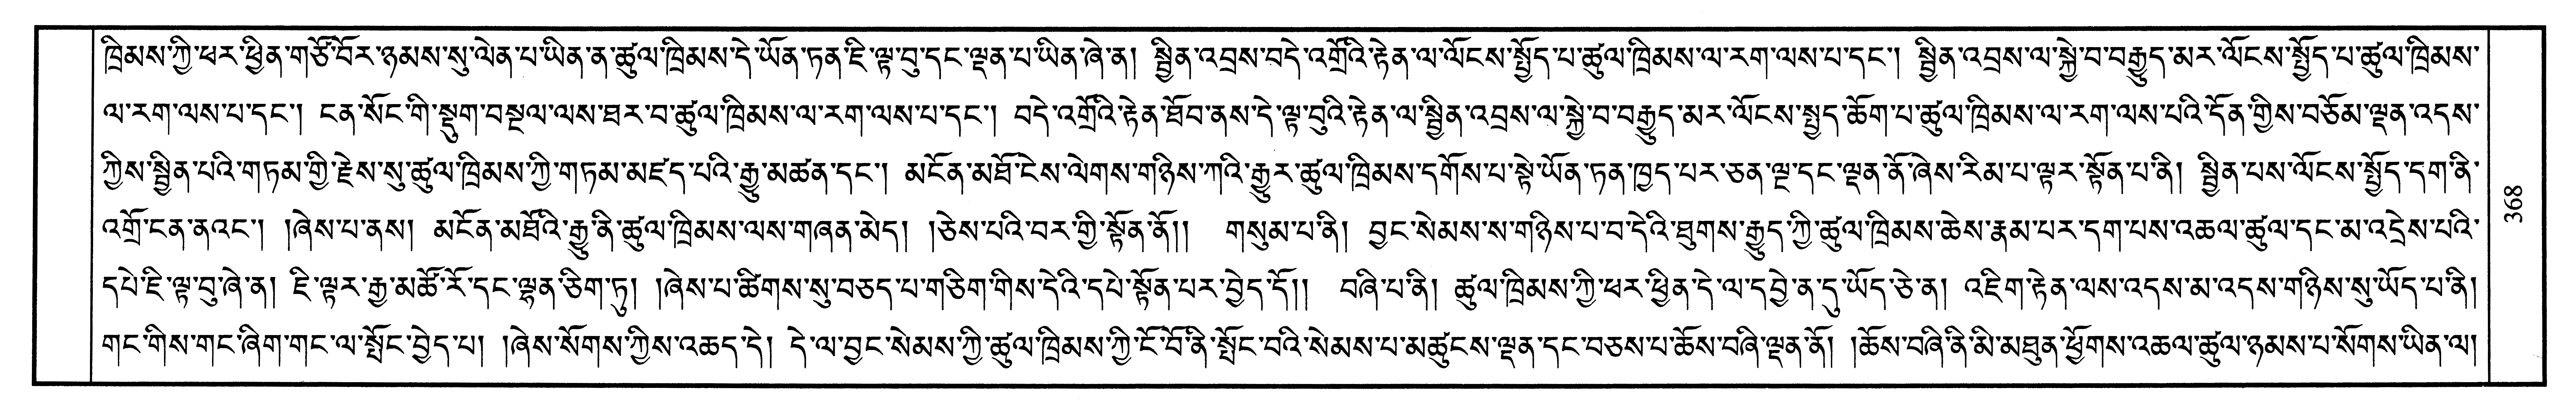ཁྲིམས་ཀྱི་ཕར་ཕྱིན་གཙོ་བོར་ཉམས་སུ་ལེན་པ་ཡིན་ན་ཚུལ་ཁྲིམས་དེ་ཡོན་ཏན་ཇི་ལྟ་བུ་དང་ལྡན་པ་ཡིན་ཞེ་ན། སྦྱིན་འབྲས་བདེ་འགྲོའི་རྟེན་ལ་ལོངས་སྤྱོད་པ་ཚུལ་ཁྲིམས་ལ་རག་ལས་པ་དང་། སྦྱིན་འབྲས་ལ་སྐྱེ་བ་བརྒྱུད་མར་ལོངས་སྤྱོད་པ་ཚུལ་ཁྲིམས་
ལ་རག་ལས་པ་དང་། ངན་སོང་གི་སྡུག་བསྔལ་ལས་ཐར་བ་ཚུལ་ཁྲིམས་ལ་རག་ལས་པ་དང་། བདེ་འགྲོའི་རྟེན་ཐོབ་ནས་དེ་ལྟ་བུའི་རྟེན་ལ་སྦྱིན་འབྲས་ལ་སྐྱེ་བ་བརྒྱུད་མར་ལོངས་སྤྱད་ཆོག་པ་ཚུལ་ཁྲིམས་ལ་རག་ལས་པའི་དོན་གྱིས་བཅོམ་ལྡན་འདས་
ཀྱིས་སྦྱིན་པའི་གཏམ་གྱི་རྗེས་སུ་ཚུལ་ཁྲིམས་ཀྱི་གཏམ་མཛད་པའི་རྒྱུ་མཚན་དང་། མངོན་མཐོ་ངེས་ལེགས་གཉིས་ཀའི་རྒྱུར་ཚུལ་ཁྲིམས་དགོས་པ་སྟེ་ཡོན་ཏན་ཁྱད་པར་ཅན་ལྔ་དང་ལྡན་ནོ་ཞེས་རིམ་པ་ལྟར་སྟོན་པ་ནི། སྦྱིན་པས་ལོངས་སྤྱོད་དག་ནི་
འགྲོ་ངན་ནའང་། །ཞེས་པ་ནས། མངོན་མཐོའི་རྒྱུ་ནི་ཚུལ་ཁྲིམས་ལས་གཞན་མེད། །ཅེས་པའི་བར་གྱི་སྟོན་ནོ།། གསུམ་པ་ནི། བྱང་སེམས་ས་གཉིས་པ་བ་དེའི་ཐུགས་རྒྱུད་ཀྱི་ཚུལ་ཁྲིམས་ཆེས་རྣམ་པར་དག་པས་འཆལ་ཚུལ་དང་མ་འདྲེས་པའི་
དཔེ་ཇི་ལྟ་བུ་ཞེ་ན། ཇི་ལྟར་རྒྱ་མཚོ་རོ་དང་ལྷན་ཅིག་ཏུ། །ཞེས་པ་ཚིགས་སུ་བཅད་པ་གཅིག་གིས་དེའི་དཔེ་སྟོན་པར་བྱེད་དོ།། བཞི་པ་ནི། ཚུལ་ཁྲིམས་ཀྱི་ཕར་ཕྱིན་དེ་ལ་དབྱེ་ན་དུ་ཡོད་ཅེ་ན། འཇིག་རྟེན་ལས་འདས་མ་འདས་གཉིས་སུ་ཡོད་པ་ནི།
གང་གིས་གང་ཞིག་གང་ལ་སྤོང་བྱེད་པ། །ཞེས་སོགས་ཀྱིས་འཆད་དེ། དེ་ལ་བྱང་སེམས་ཀྱི་ཚུལ་ཁྲིམས་ཀྱི་ངོ་བོ་ནི་སྤོང་བའི་སེམས་པ་མཚུངས་ལྡན་དང་བཅས་པ་ཆོས་བཞི་ལྡན་ནོ། །ཆོས་བཞི་ནི་མི་མཐུན་ཕྱོགས་འཆལ་ཚུལ་ཉམས་པ་སོགས་ཡིན་ལ།